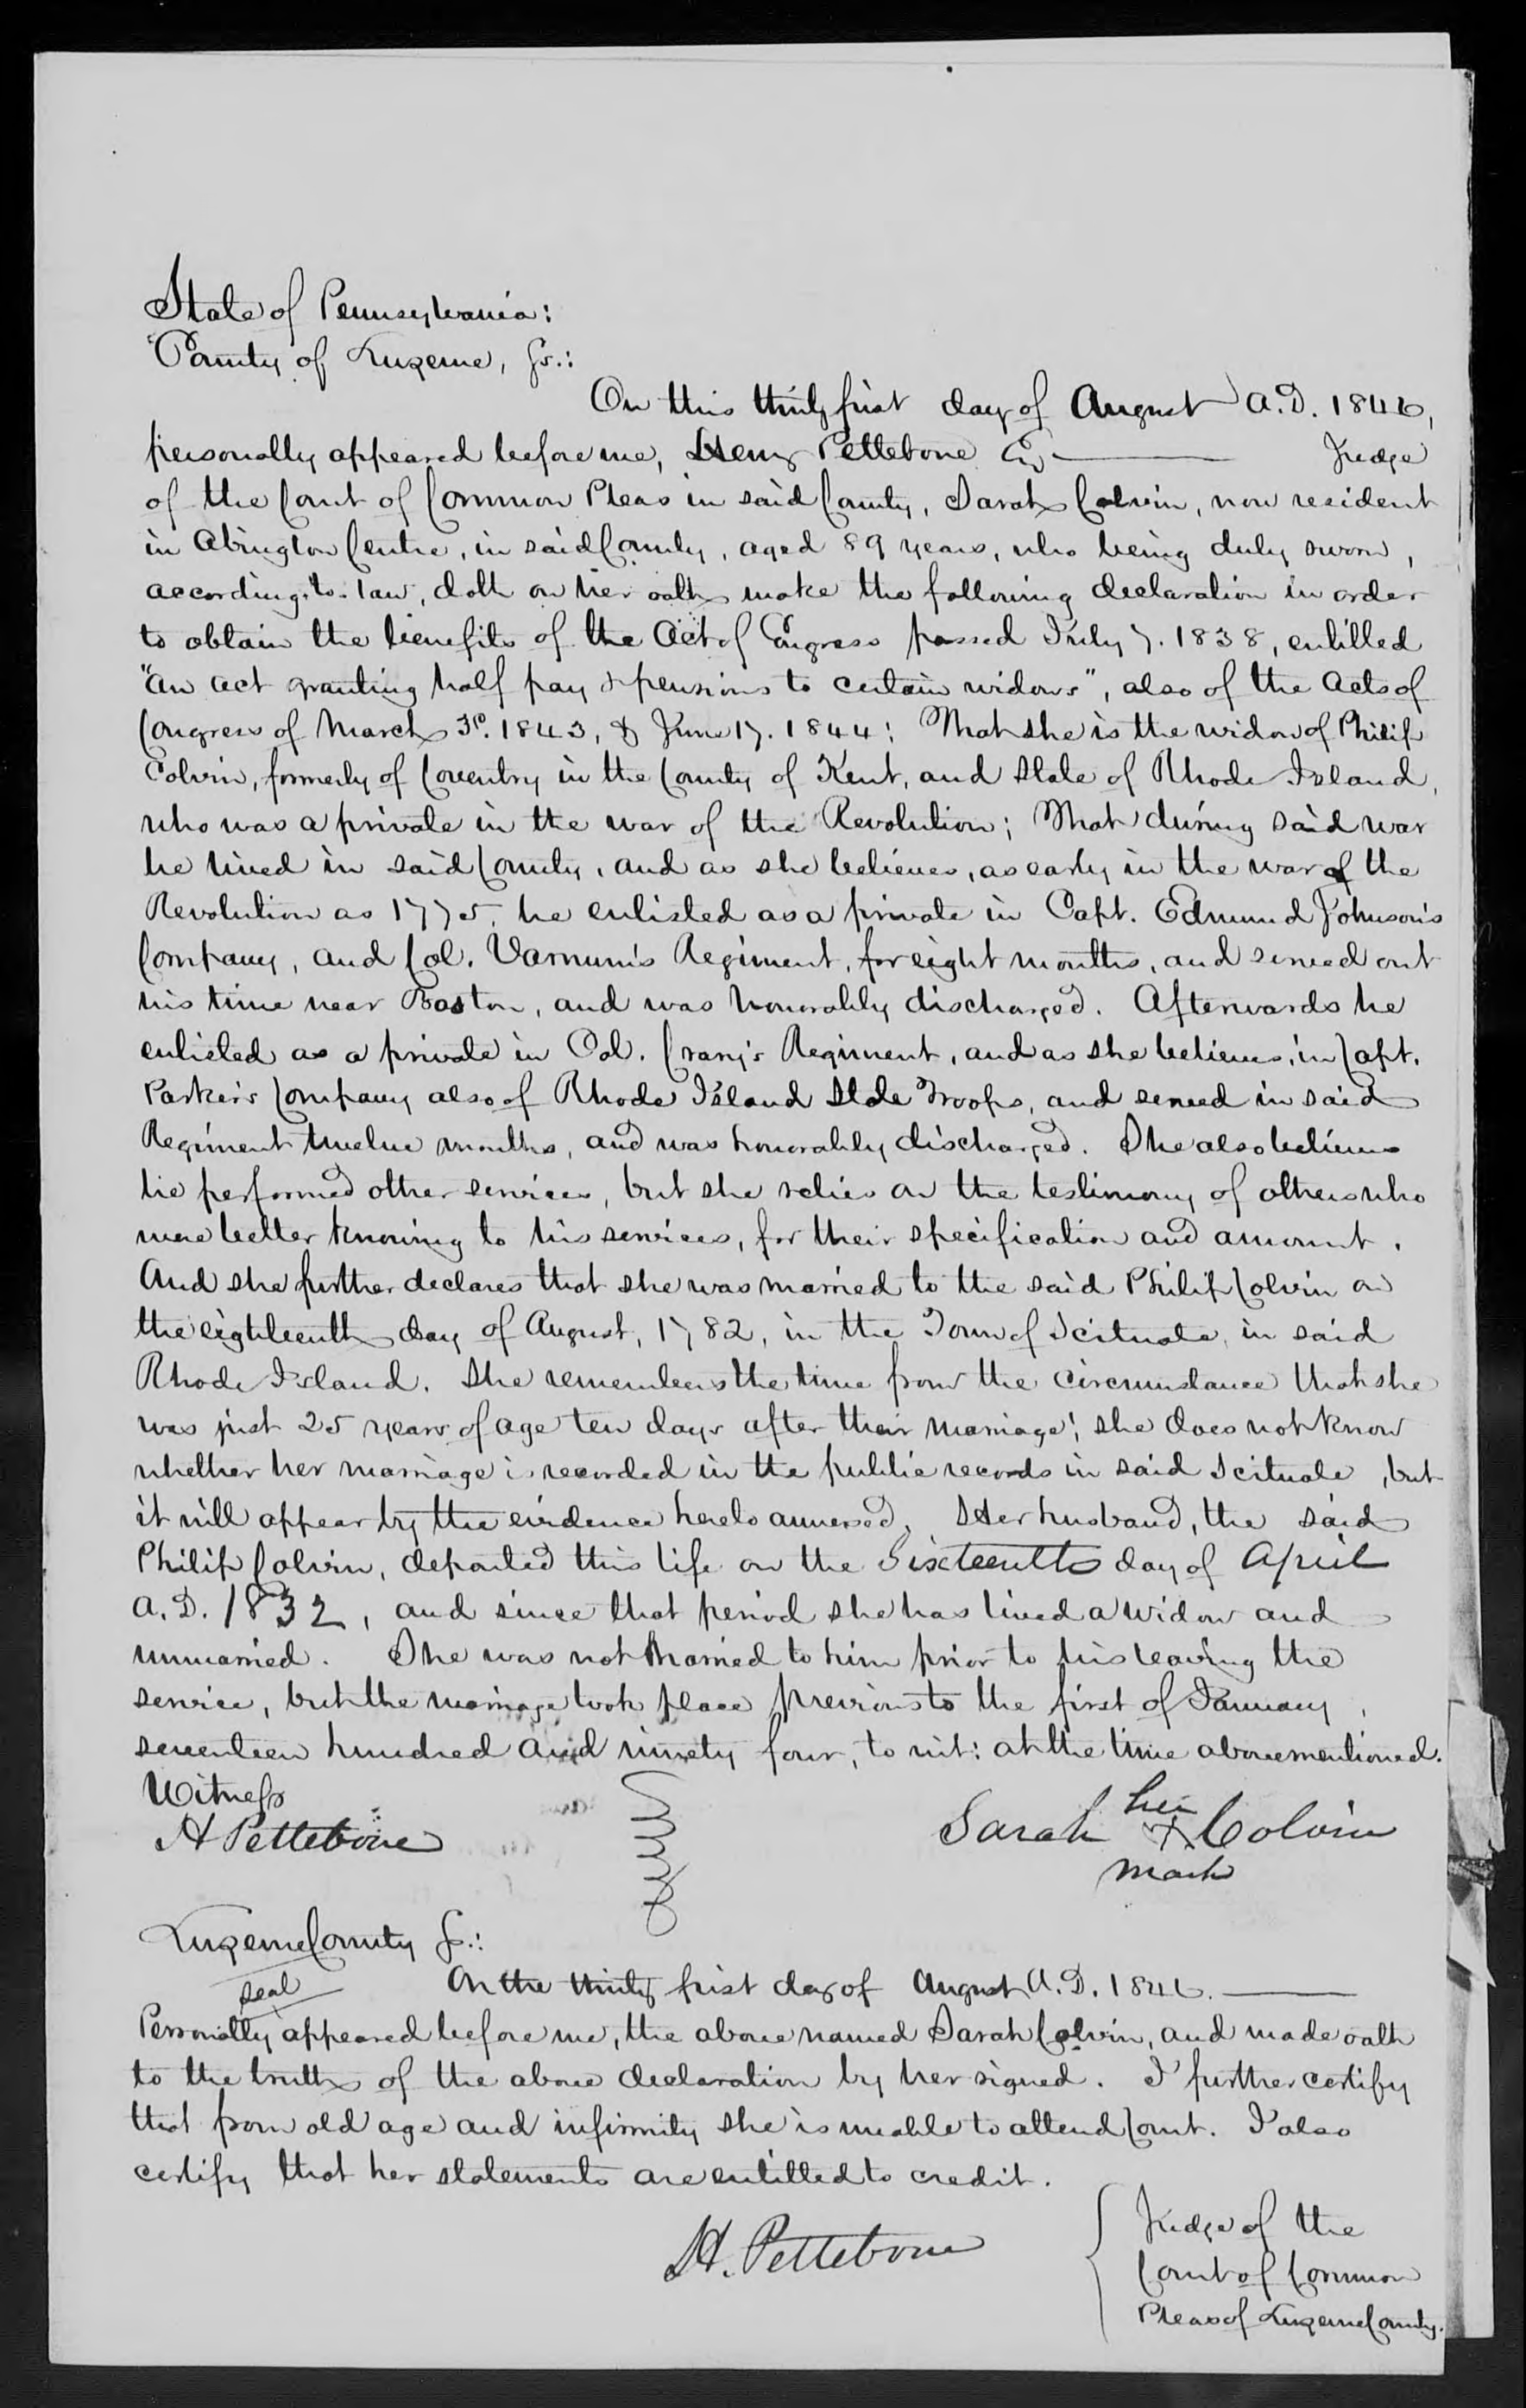State of Pennsylvania
County of Luzerne

On this thirty first day of August AD 1846 personally a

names: H Pettebone, H Pettebone, Sarah Colvin, Philip Colvin, Sarah Colvin, Sarah Colvin, Henry Pettebone, Philip Colvin, Philip Colvin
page: 40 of 41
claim: widow's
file: W. 3513, Philip Colvin, R.I.